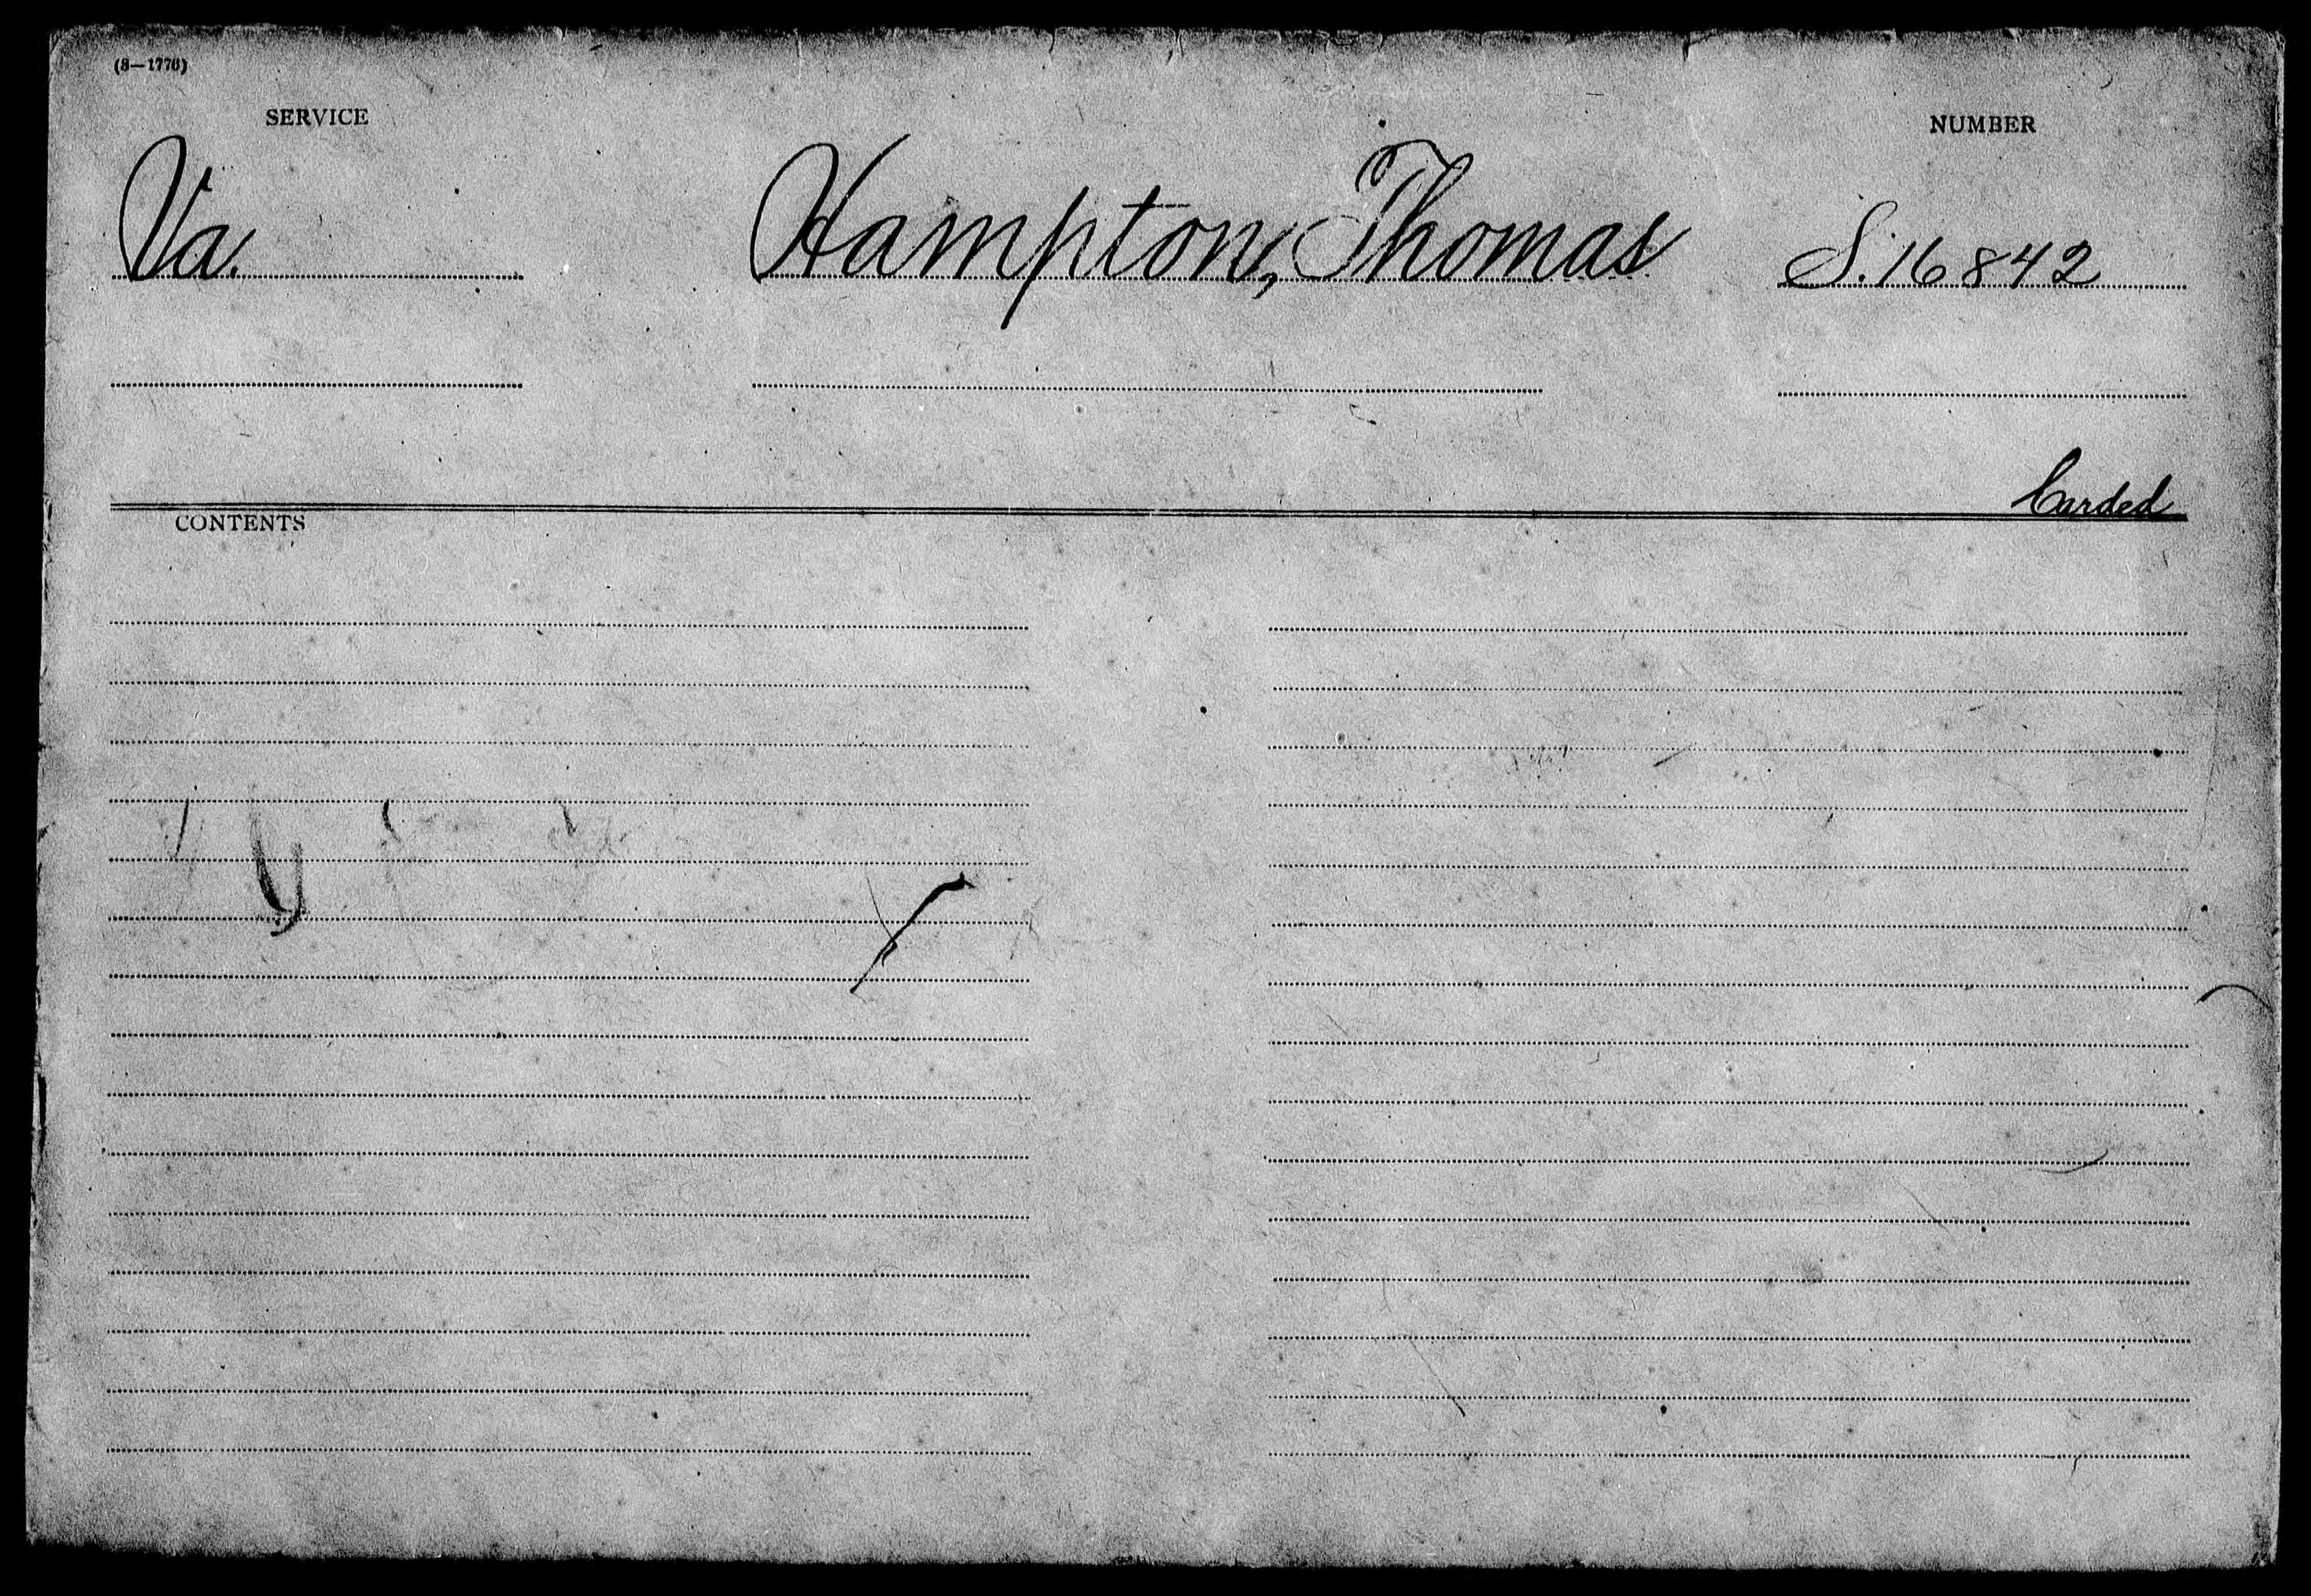(3—1776)
SERVICE 
Va. 
Hampton, Thomas 
NUMBER
S. 16842
Carded
CONTENTS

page: 1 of 26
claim: survivor's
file: S. 16842, Thomas Hampton, Va.